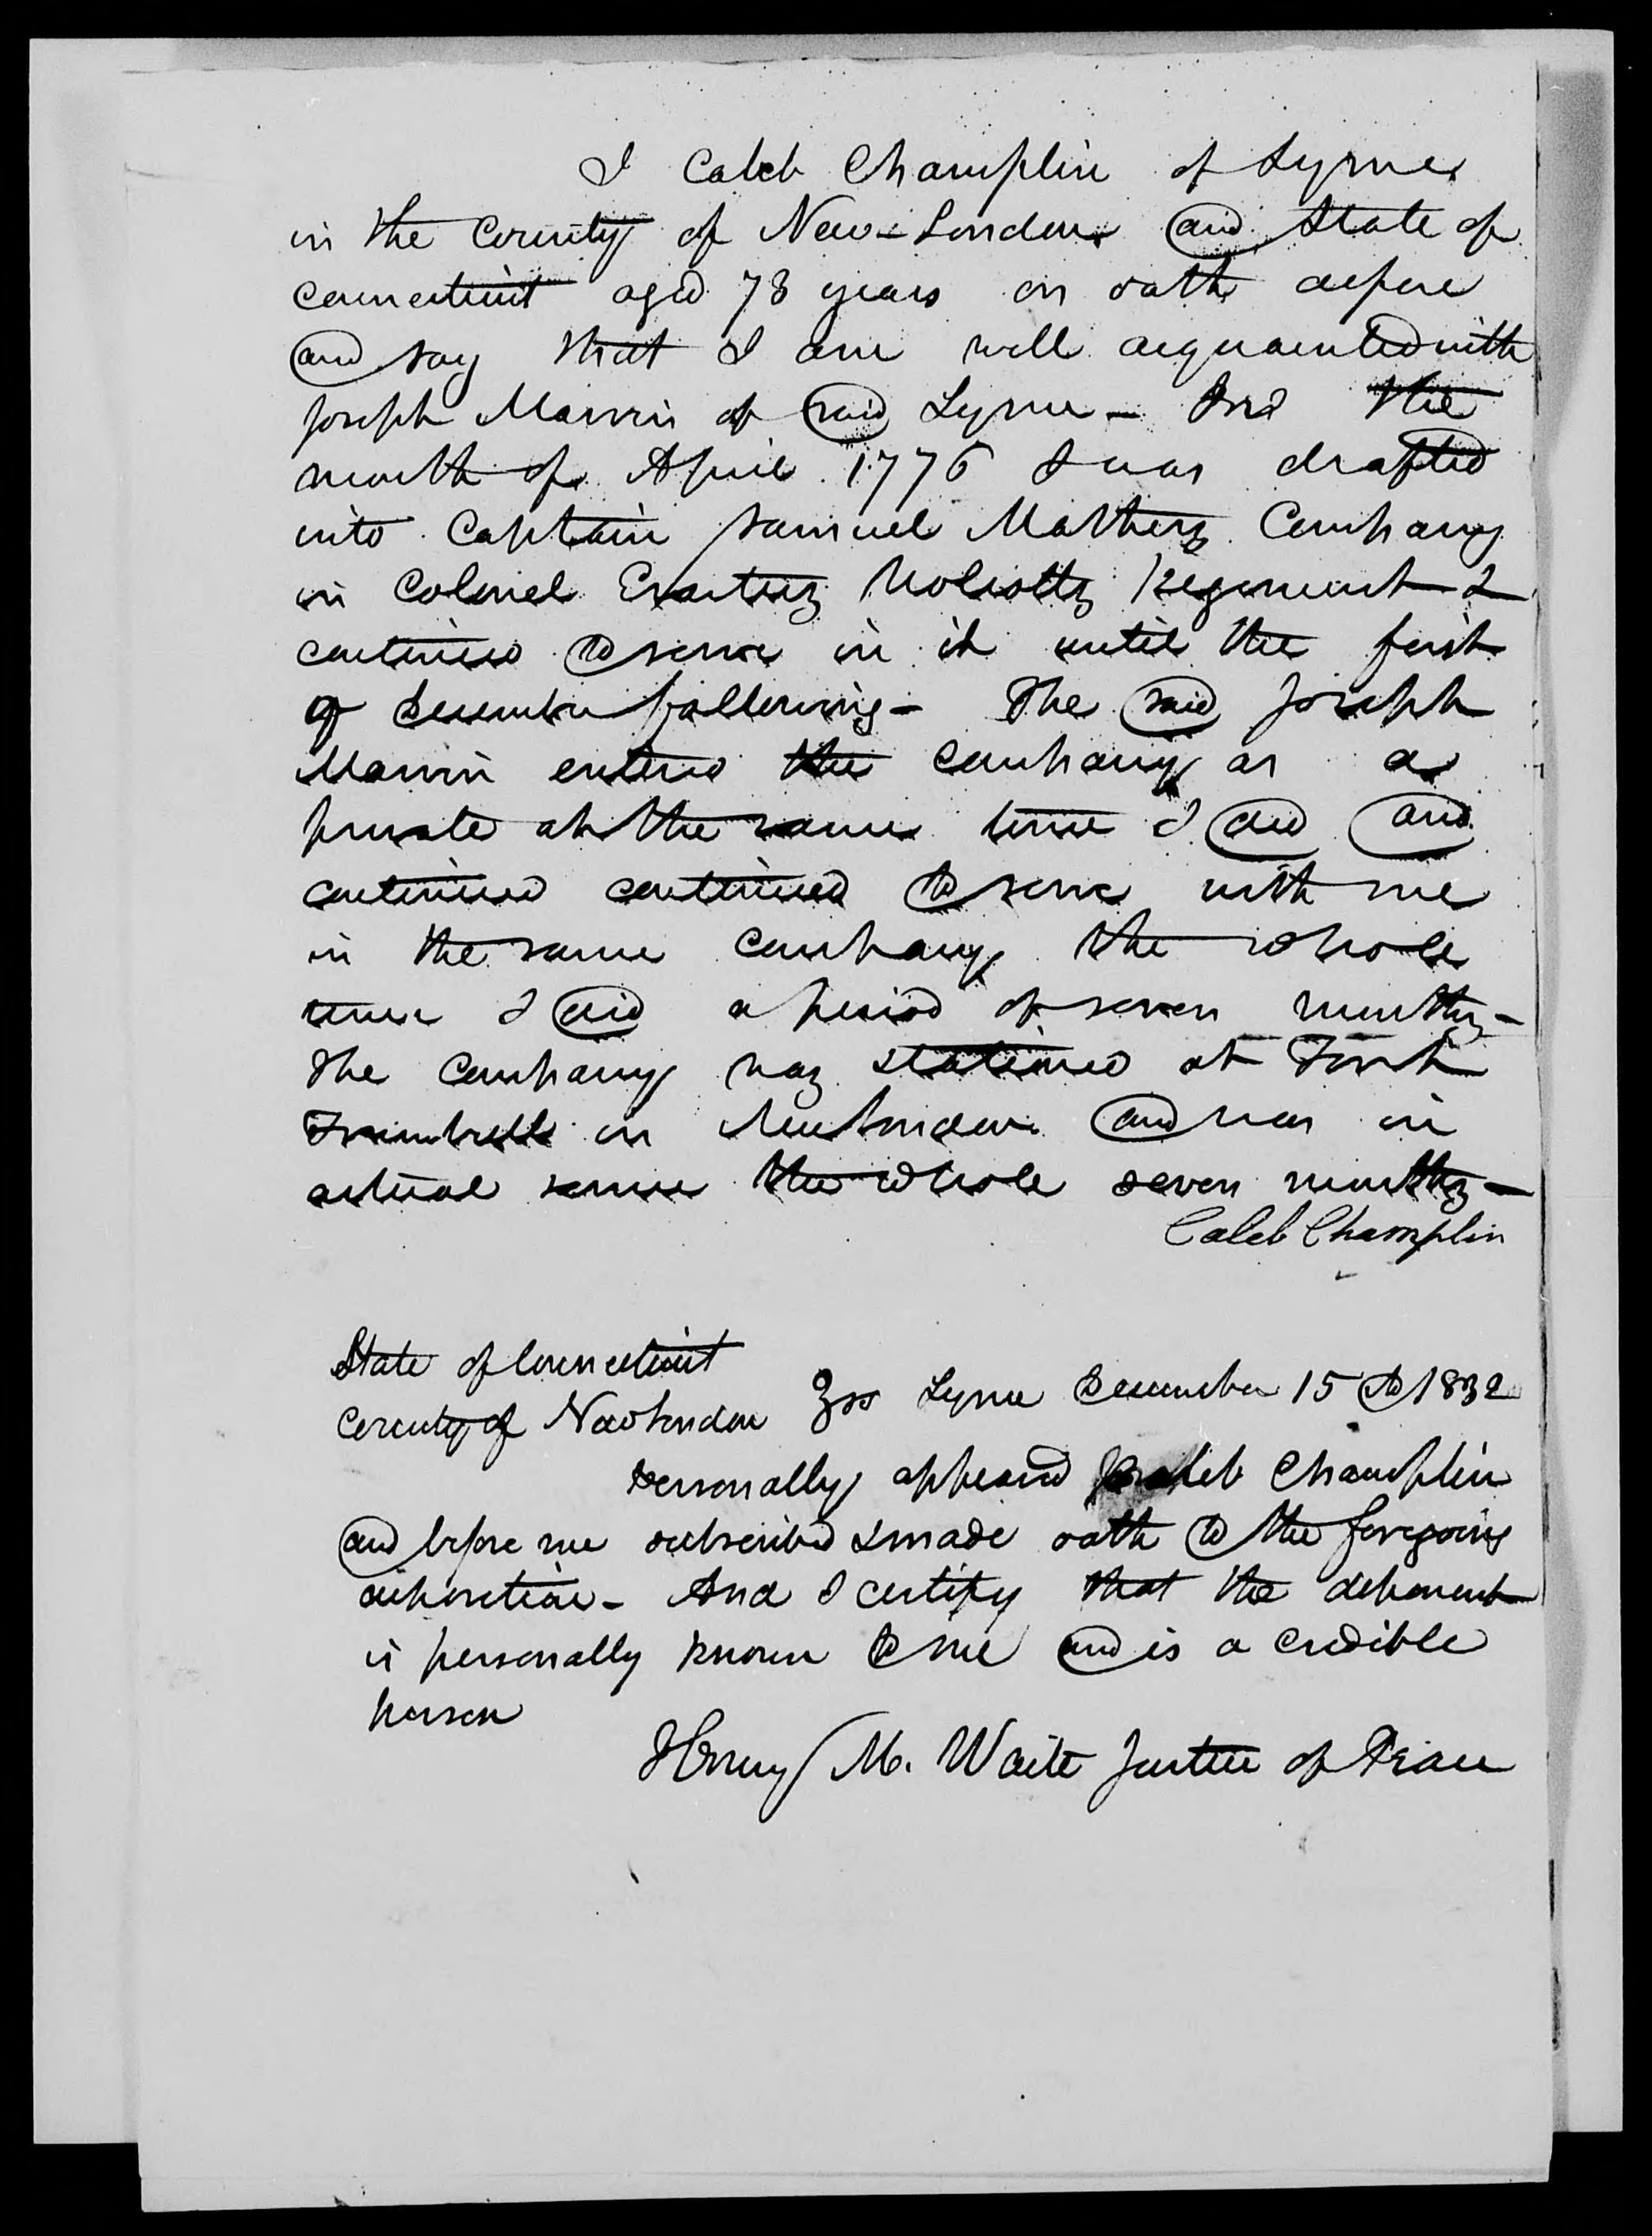I Caleb Champlin of Lyme in the County of New London and State of Connecticut  aged 78 years on oath depose and say that I am well acquainted with Joseph Marvin of said Lyme – in the with of April 1776 I was drafted into Captain Samuel Mathers Company in Colonel Erastus Wolcotts Regiment & continued to serve in it until the first of December following.  The said Joseph Marvin entered the company as a private at the same time I did and continued continued to serve with me in the same company the whole time I did a period of seven months.  The Company was stationed at Fort Trumbull in New London and was in actual service the whole seven months.  
Caleb Champlin 
State of Connecticut
County of New London [unreadable] Lyme December 15 AD 1832 
Personally appeared Caleb Champlin and before me subscribed & made oath to the foregoing deposition. And I certify that the deponent is personally known to me and is a credible person 
Henry M. Waite Justice of Peace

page: 9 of 20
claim: survivor's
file: S. 15,516, for Joseph Marvin, Connecticut